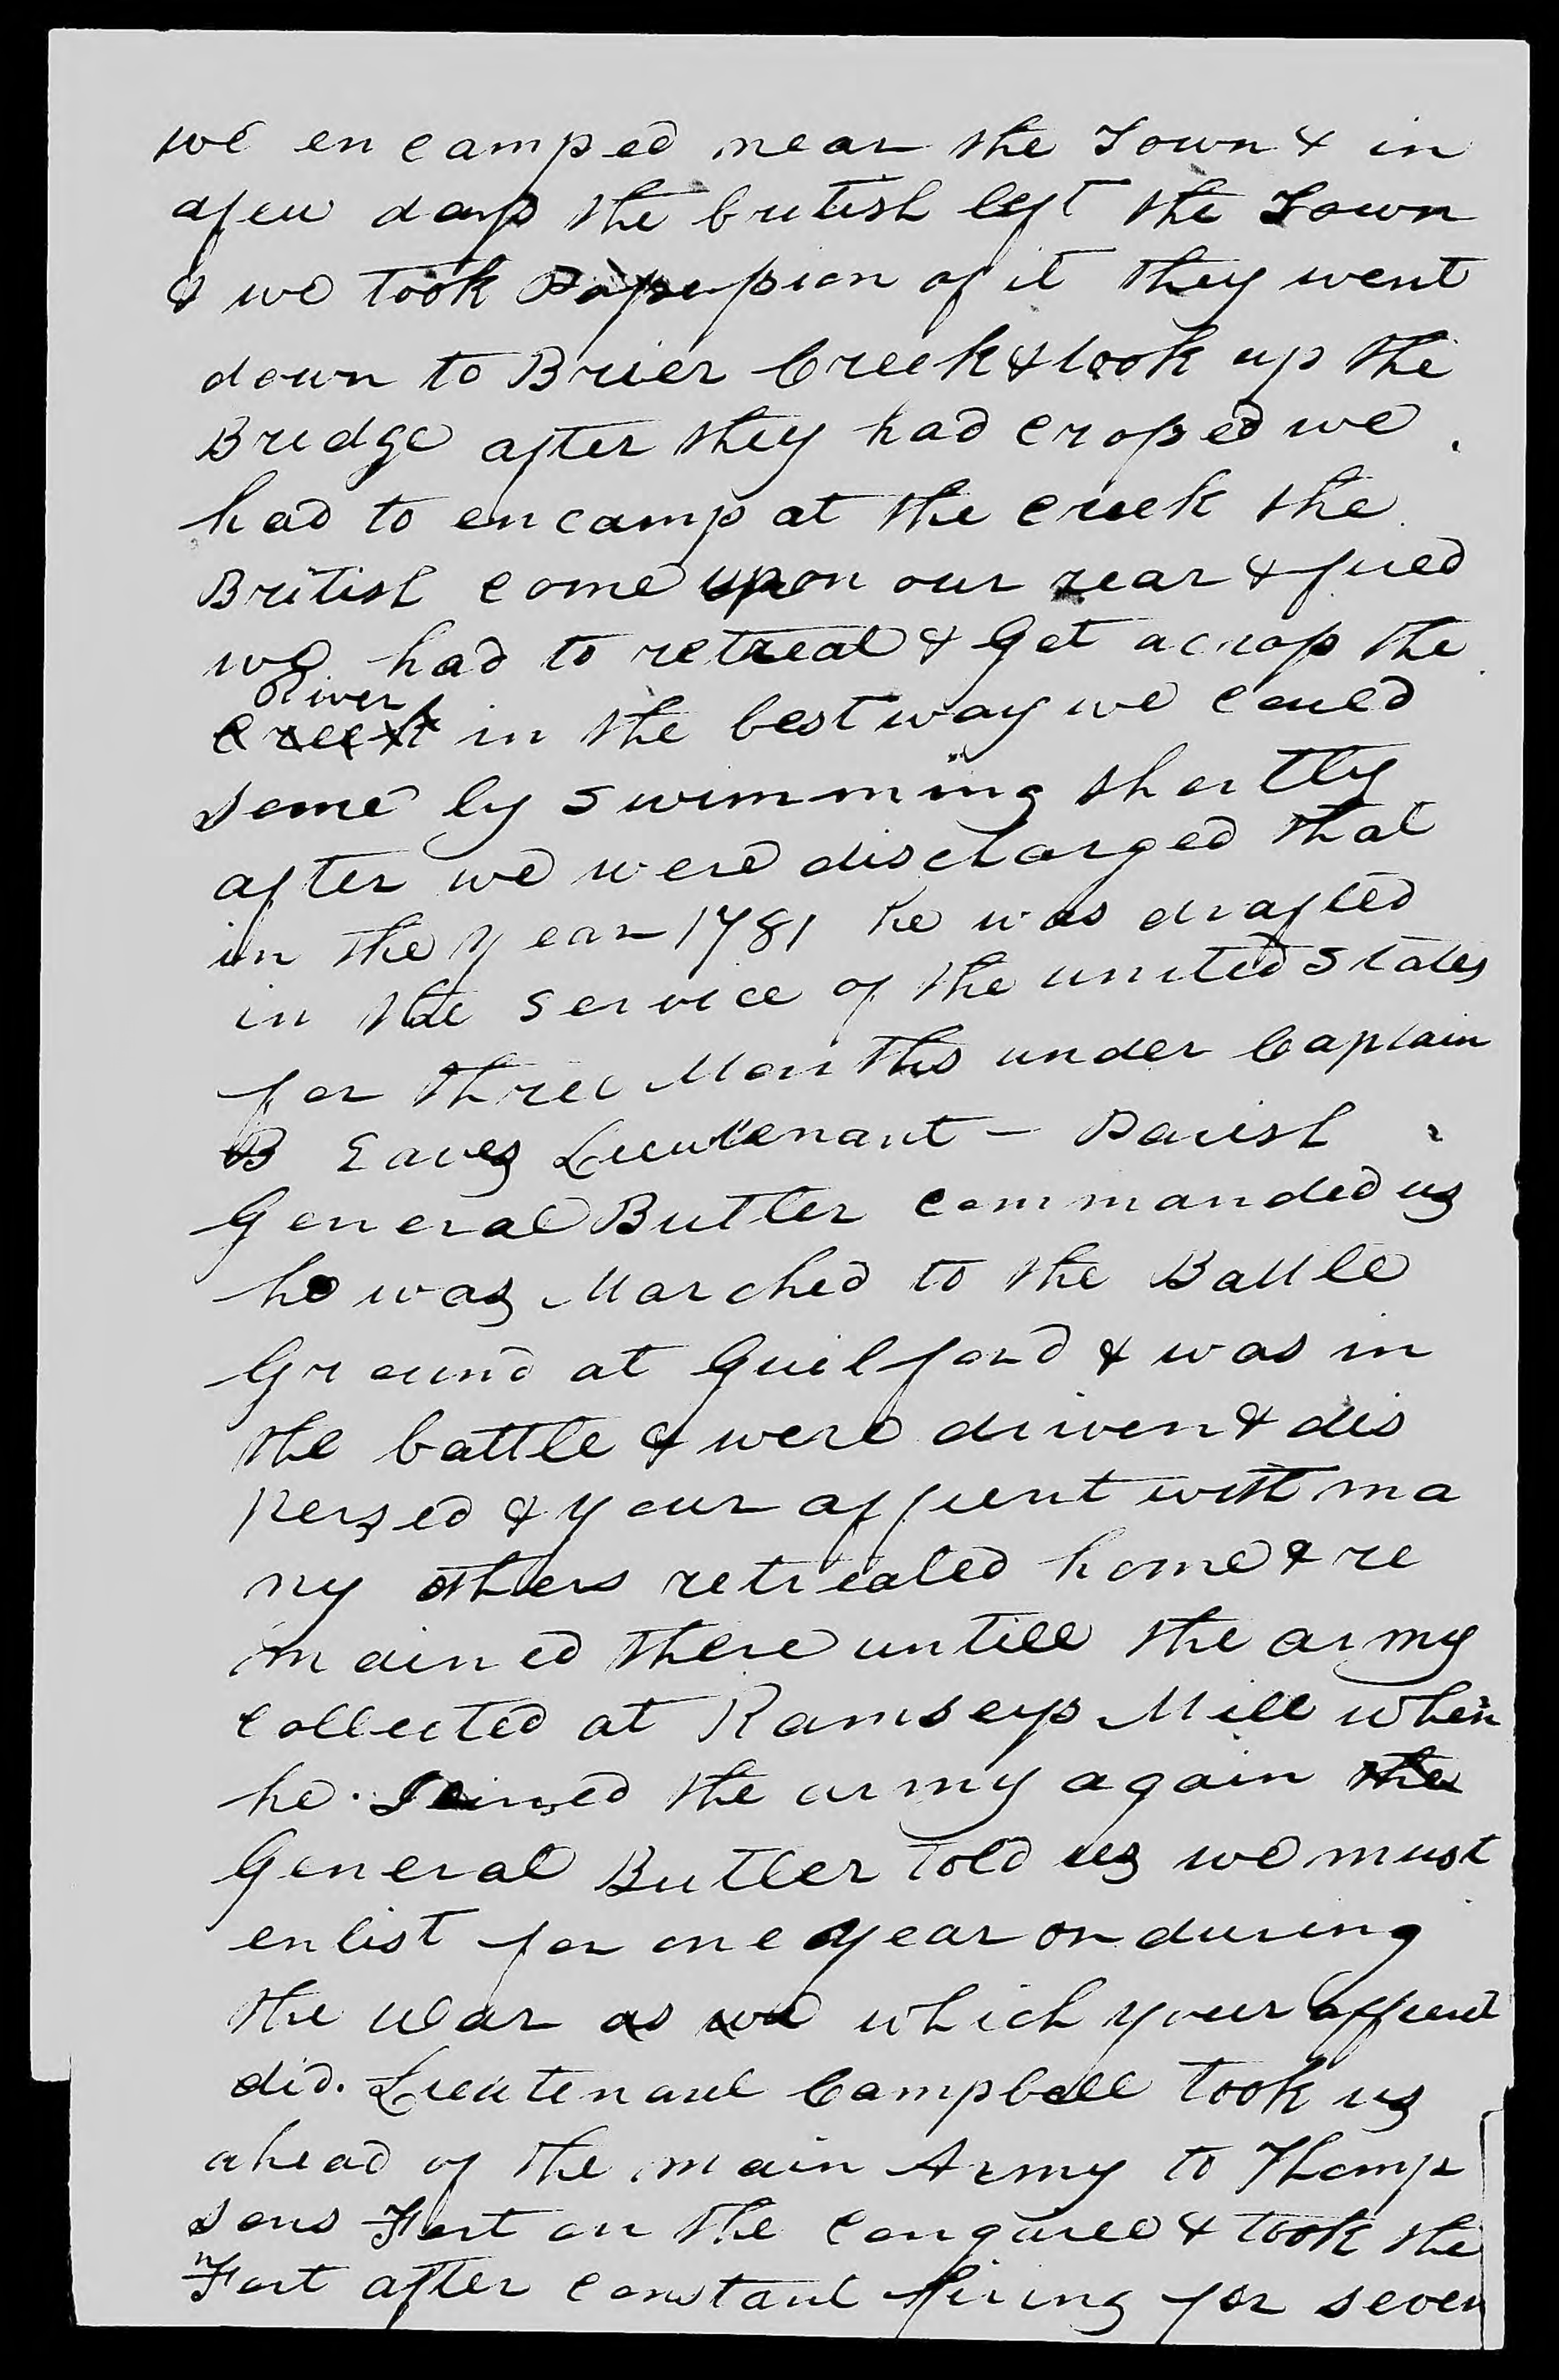encamped near the Town & in a few days the British left the Town & we took possession of it they went down to Brier [sic, Briar] Creek [Battle of Briar Creek, March 3, 1779] & took up the Bridge after they had crossed we had to encamp at the Creek the British came upon our rear & fired we had to retreat & get across the River in the best way we could some by swimming shortly after we were discharged[:] that in the year 1781 he was drafted in the service of the United States for three months under Captain Eaves [Benjamin Eaves] Lieutenant __ Parish General Butler [John Butler] commanded us he was marched to the Battle Ground of Guilford & was in the battle [March 15, 1781] & were driven & dispersed & your affiant with many others retreated home & remained there until the Army collected at Ramsey's Mill where he joined the Army again crossed out – the] General Butler told us we must enlist for one year or during the war [crossed out - as we] which your affiant did. Lieutenant Campbell took us ahead of the Main Army to Thompson's Fort [Thomson's Fort] on the Congaree [River] & took the Fort after constant firing for seven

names: Parish, Butler, B Eaves, Campbell, Butler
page: 3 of 27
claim: rejected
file: R. 5006, Richard Hill, N.C.